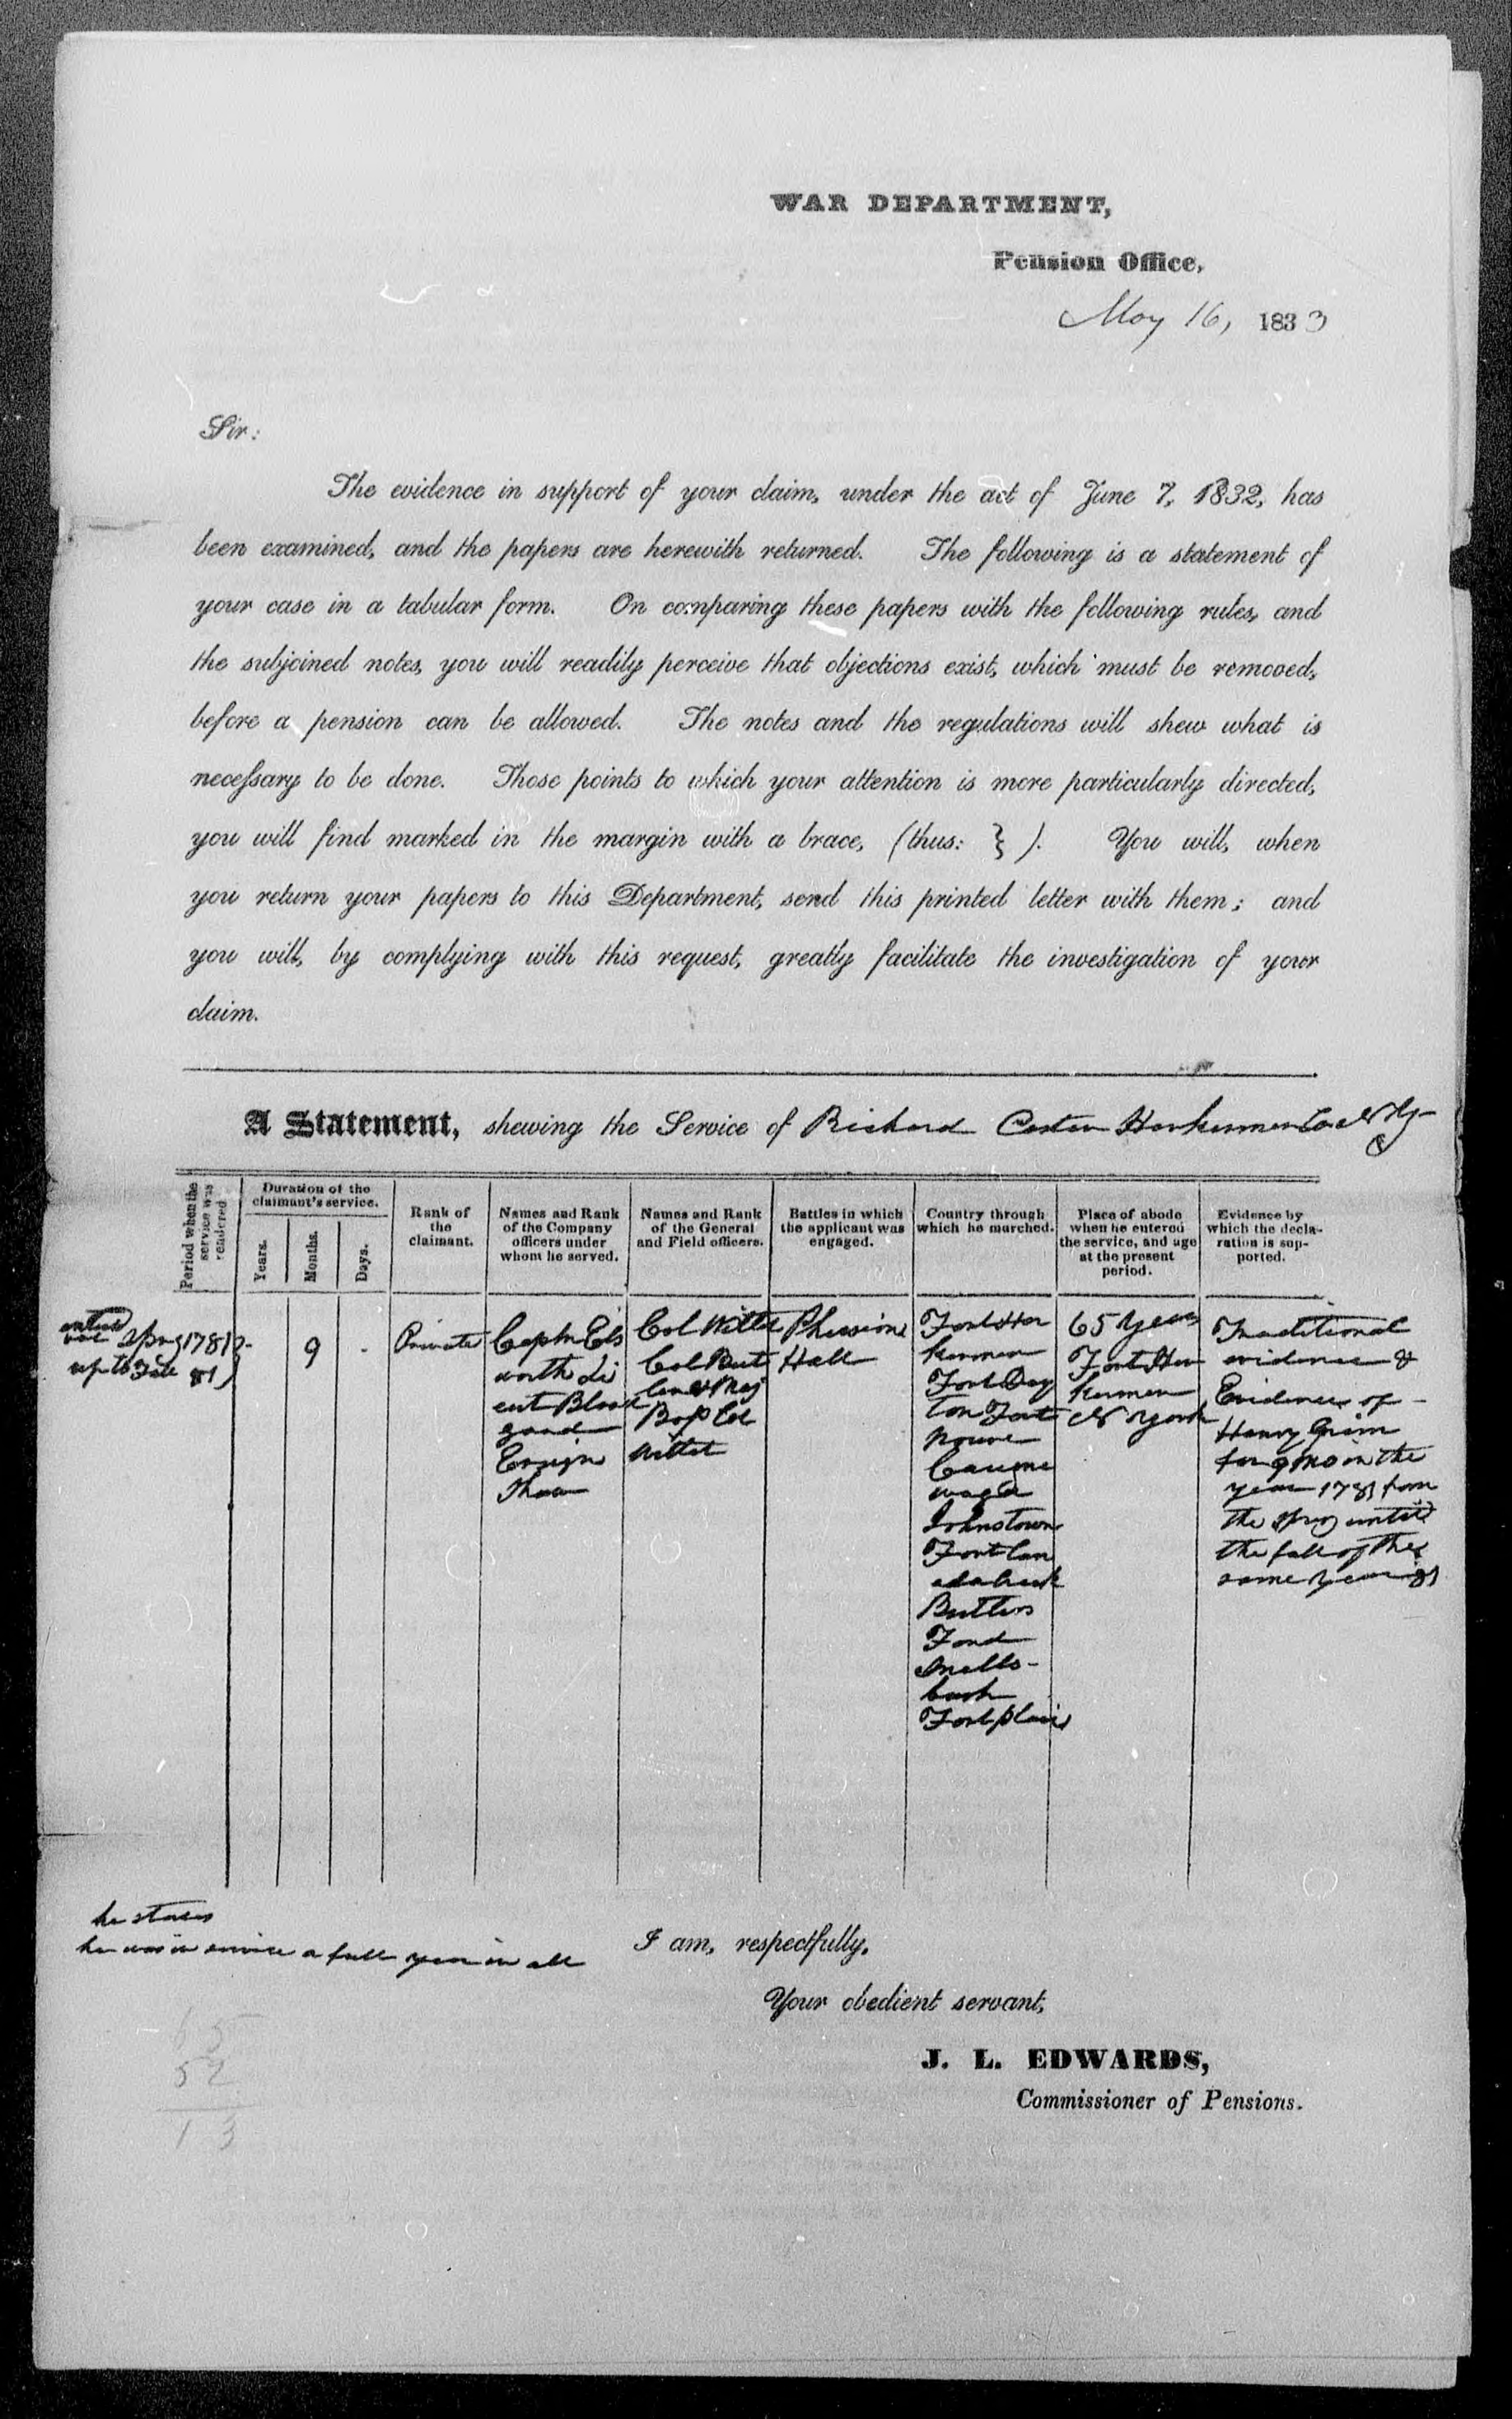WAR DEPARTMENT. 
Pension Office, 
183

Sir:
The evidence in support of your claim, under the act of June 7, 1832, has been examined, and the papers are herewith returned. The following is a statement of your case in a tabular form. On comparing these papers with the following rules, and the subjoined notes, you will readily perceive that objections exist, which must be removed, before a pension can be allowed. The notes and the regulations will shew what is necessary to be done. Those points to which your attention is more particularly directed, you will find marked in the margin with a brace, (thus: }). You will, when you return your papers to this Department, send this printed letter with them; and you will, by complying with this request, greatly facilitate the investigation of your claim. 
A Statement, shewing the service of Richard Caster Herkimer Co NY

[BEGIN TABLE]
Period when the service was rendered  |  Duration of the service Years. Months. Days.  |   Rank of the claimant.  |  Names and Rank of the Company officers under whom he served.  |  Rank of the General and Field officers.  |  Battles in which the applicant was engaged.  |  Country through which he marched.  |  Place of abode when he entered the service, and age at the present period.  |  Evidence by which the declaration is supported.  |
enlisted vol sprg 1781 up to Fall 81  |  9 Months  |  private  |  Captn Elsworth Lieut Bloodgood Ensign Thorn  |  Col Willet Col Butler & Maj Boss [Ross] Col Willet  |  Phessians [Johnsons] Hall  |  Fort Herkimer Fort Dayton Fort house Caughnawaga Johnstown Fort Canada Creek Butlers Ford Snells bush Fort plain  |  65 years Fort Herkimer N York  |  Traditional evidence & Evidence of Henry Grim for 9 mo in the year 1781 from the sprg until the fall of the same year 81  |
[END TABLE]
he states he was in service a full year in all
I am, respectfully 
Your obedient servant,
J. L. EDWARDS,
Commissioner of Pensions.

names: Butler, Bloodgood, J L Edwards, Elsworth, Boss, Thorn, Willet, Willet, Richard Caster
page: 12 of 66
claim: widow's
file: W. 6637, Richard Caslar, New York